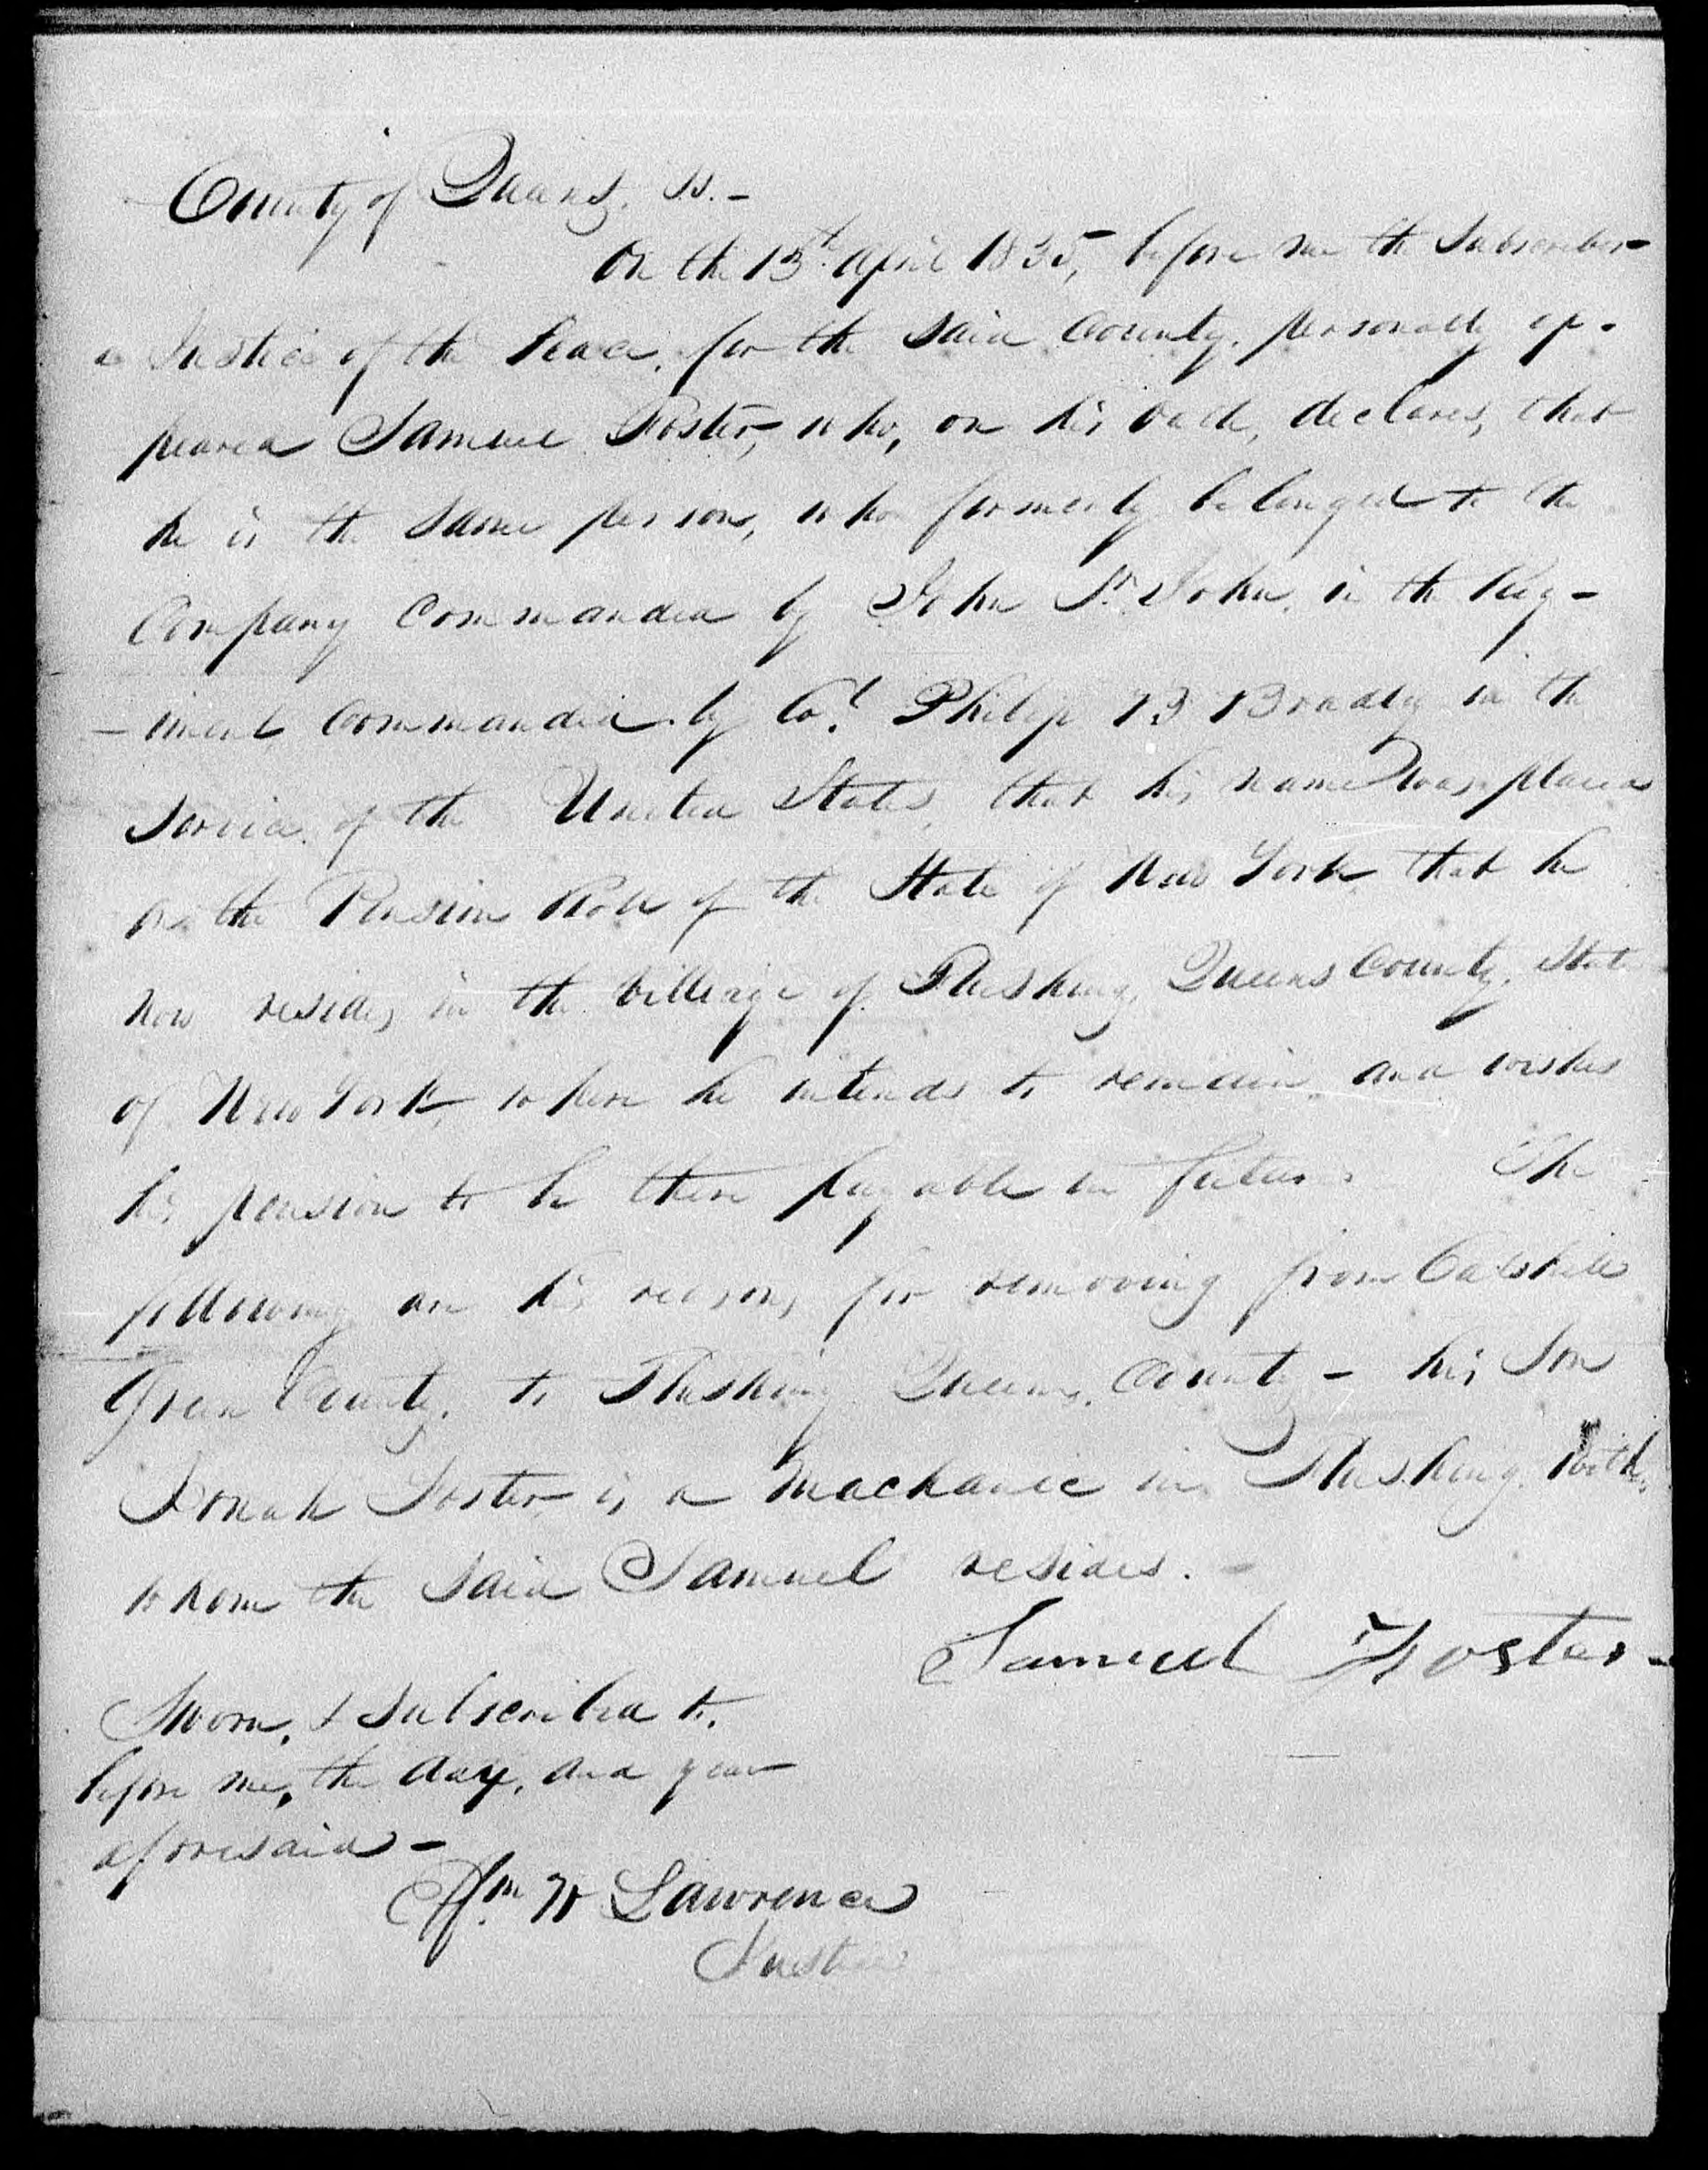County of Queens J.J._
On the 13th April 1835, before me the [illegible] Justice of the Peace for the said county, personally ap-peared Samuel Foster, who, on his oath, declares, that he is the same person, who formerly belonged to the Company commanded by John St. John in the Reg-iment commanded by Col. Philip B Bradly in the Service of the United States, that his name was placed on the Pension Roll of the State of New York that he now resided in the village of Flushing, Queens County, State of New York where he intends to remain and wishes his pension to be there payable in future The following are his reasons for removing from Catskill Green County to Flushing Queens County - his son Jonah Foster is  a mechanic in Flushing [illegible] [illegible] the said Samuel resided.
[signed] Samuel Foster
Sworn & subscribed to before me the day and year aforesaid -
[signed ]Hon. W Lawrence
Justice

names: Wm W Lawrence, Jonah Foster, Samuel, Samuel Foster, Samuel Foster, Philip B Bradly, John St John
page: 16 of 54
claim: survivor's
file: S. 13,043, Samuel Foster, Conn.